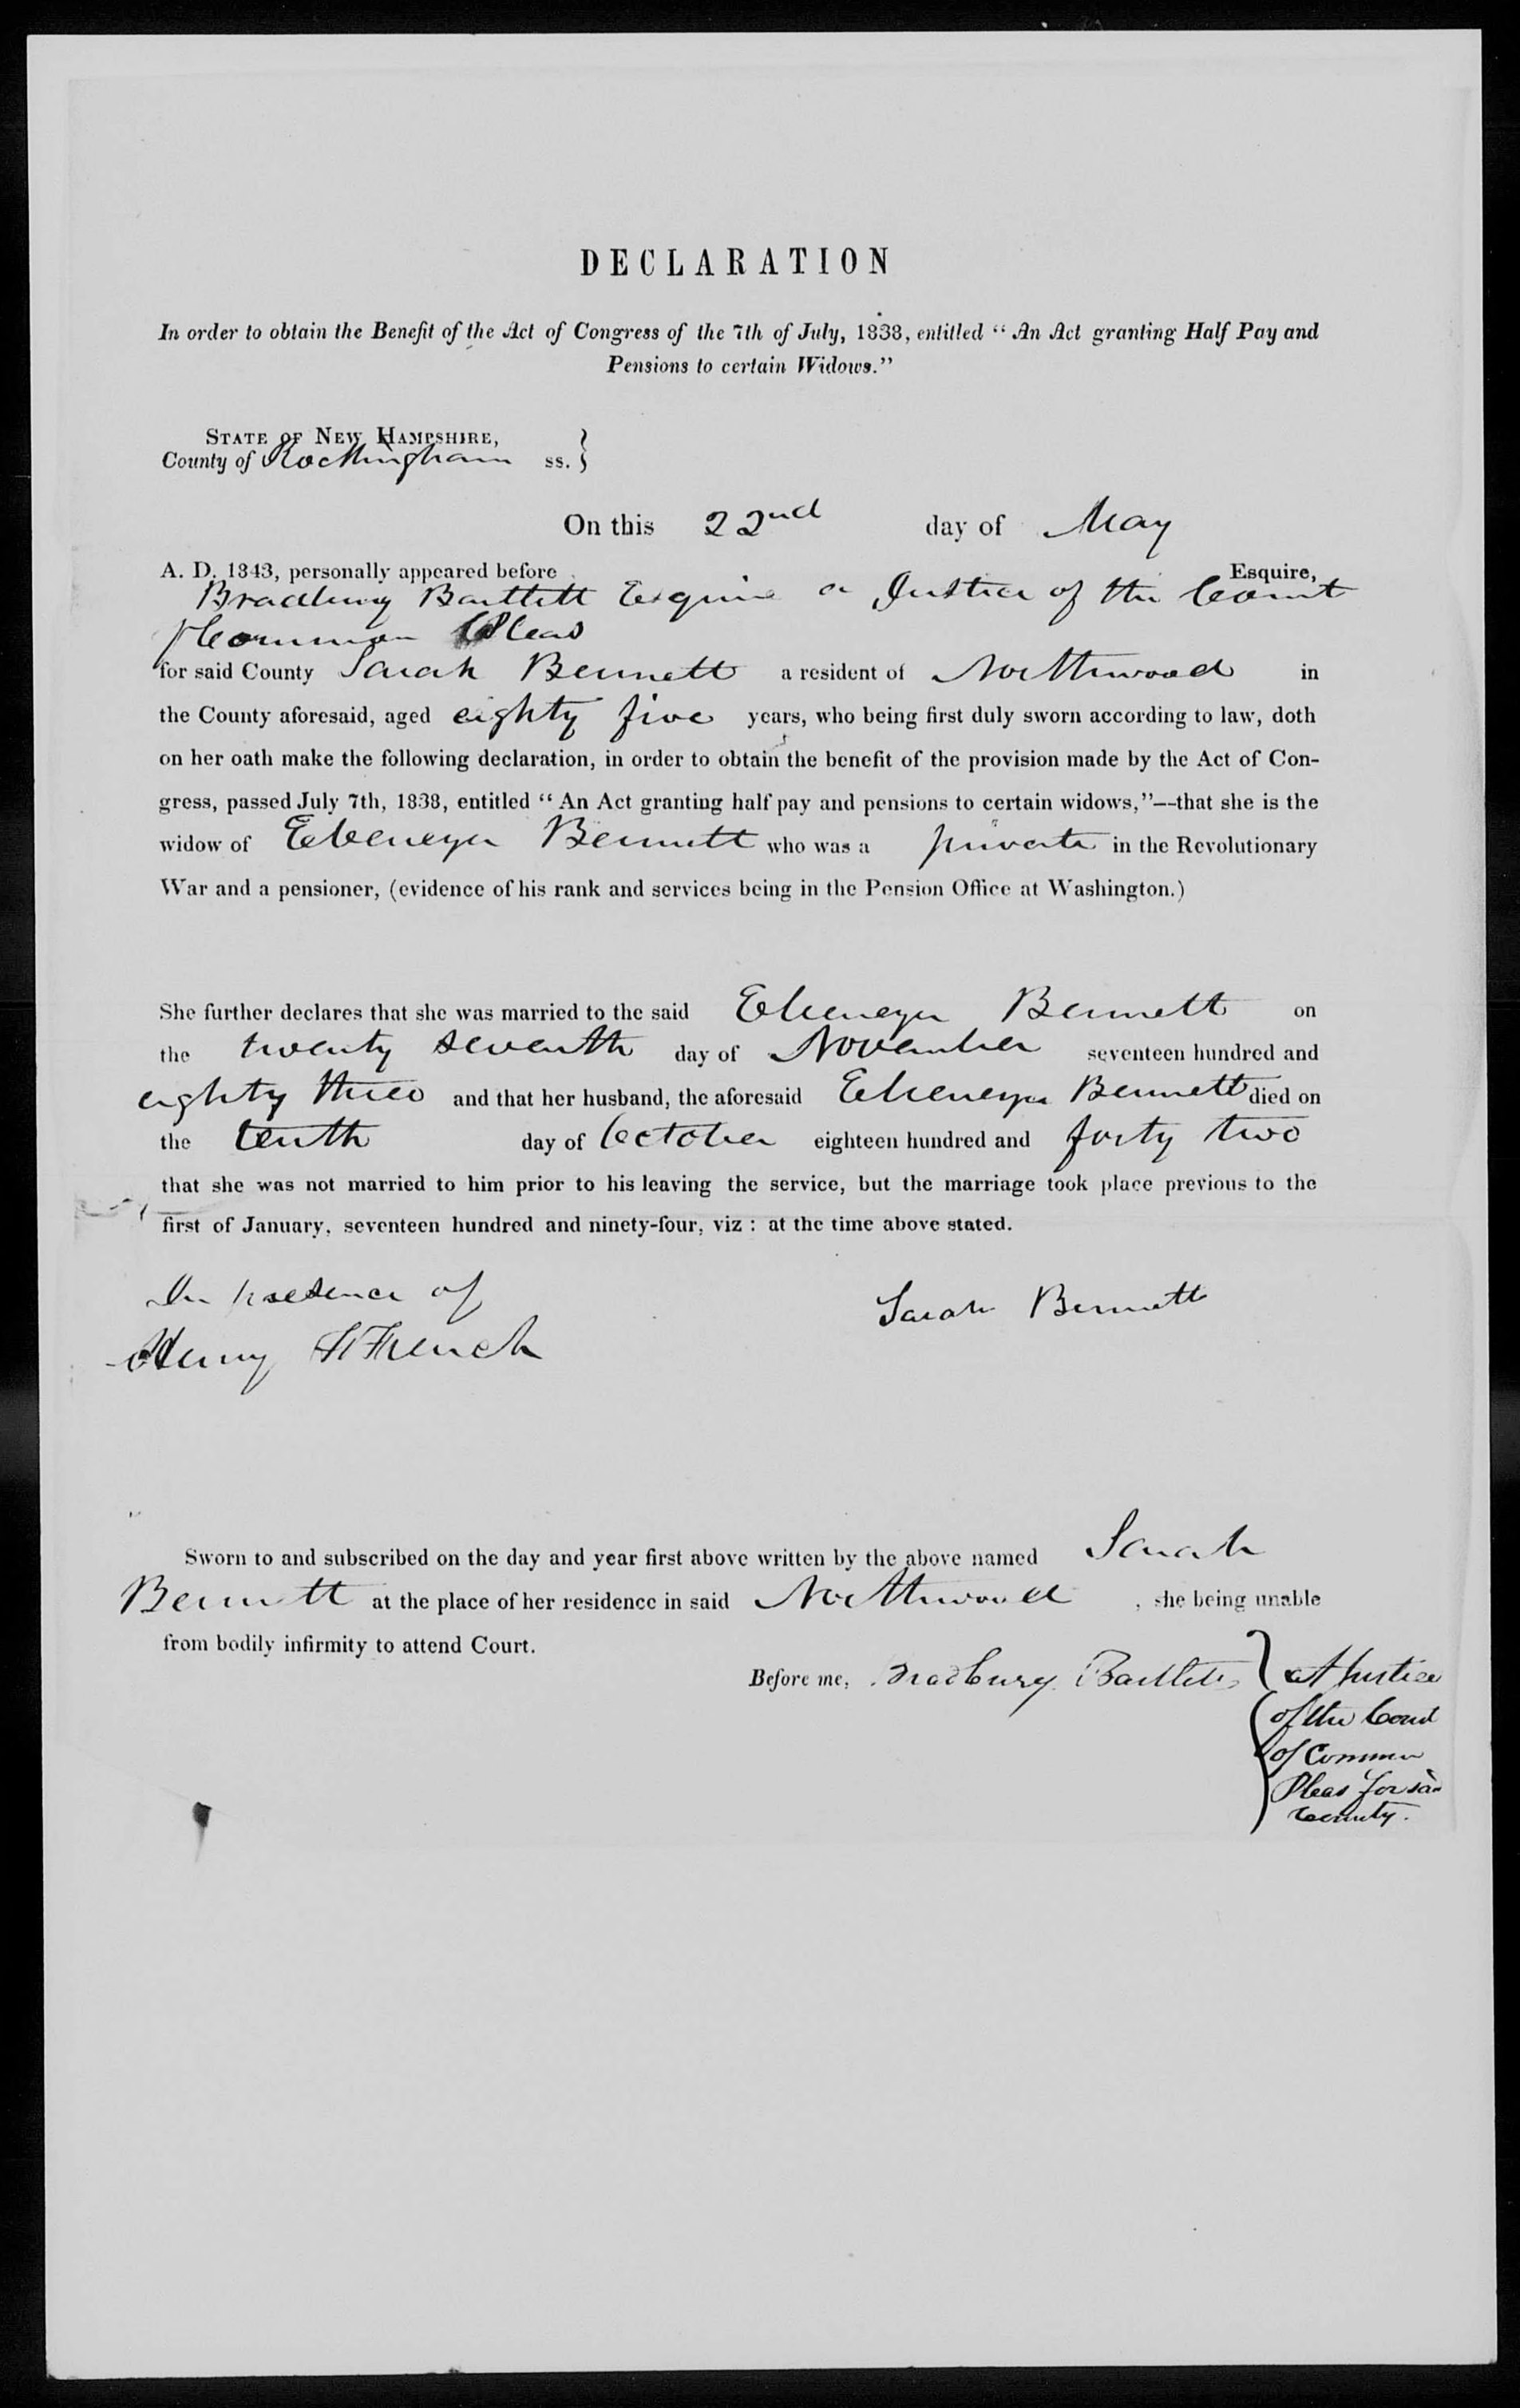DECLARATION
In order to obtain the Benefit of the Act of Congress of the 7th of July, 1838, entitled "An Act granting Half pay and Pensions to certain Widows."

STATE OF NEW HAMPSHIRE,
County of Rockingham  ss. }

On this 22nd day of May
A. D. 1843, personally appeared before
Bradbury Bartlett Esquire a Justice of the County
Common Pleas for said County Sarah Bennett a resident of Northwood in the County aforesaid, aged eighty five years, who being first duly sworn according to law, doth on her oath make the following declaration, in order to obtain the benefit of the provision made by the Act of Congress, passed July 7th, 1838, entitled "An Act granting half pay and pensions to certain widows,"--that she is the widow of Ebenezer Bennett who was a private in the Revolutionary War and a pensioner, (evidence of his rank and services being in the Pension Office at Washington. )

She further declares that she was married to the said Ebenezer Bennett on the twenty seventh day of November seventeen eighty three and that her husband, the aforesaid Ebenezer Bennett died on 
the tenth day of October eighteen hundred and forty two that she was not married to him prior to his leaving the service, but the marriage took place previous to the first of January, seventeen hundred and ninety-four, viz: at the time above stated.
Sarah Bennett
In presence of
Henry F French

Sworn to and subscribed on the day and year first above written by the above named Sarah
Bennett at the place of her residence in said Northwood, she being unable from bodily infirmity to attend Court.
Before me, Bradbury Bartlett }
A Justice
of the Court
of Common
Pleas for said
County.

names: Sarah Bennett, Ebenezer Bennett, Ebenezer Bennett, Bradbury Bartlett, Henry F French, Bradbury Bartlett, Ebenezer Bennett, Sarah Bennett, Sarah Bennett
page: 11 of 43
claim: widow's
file: W. 21665, Ebenezer Bennett, N. H. Privateer.